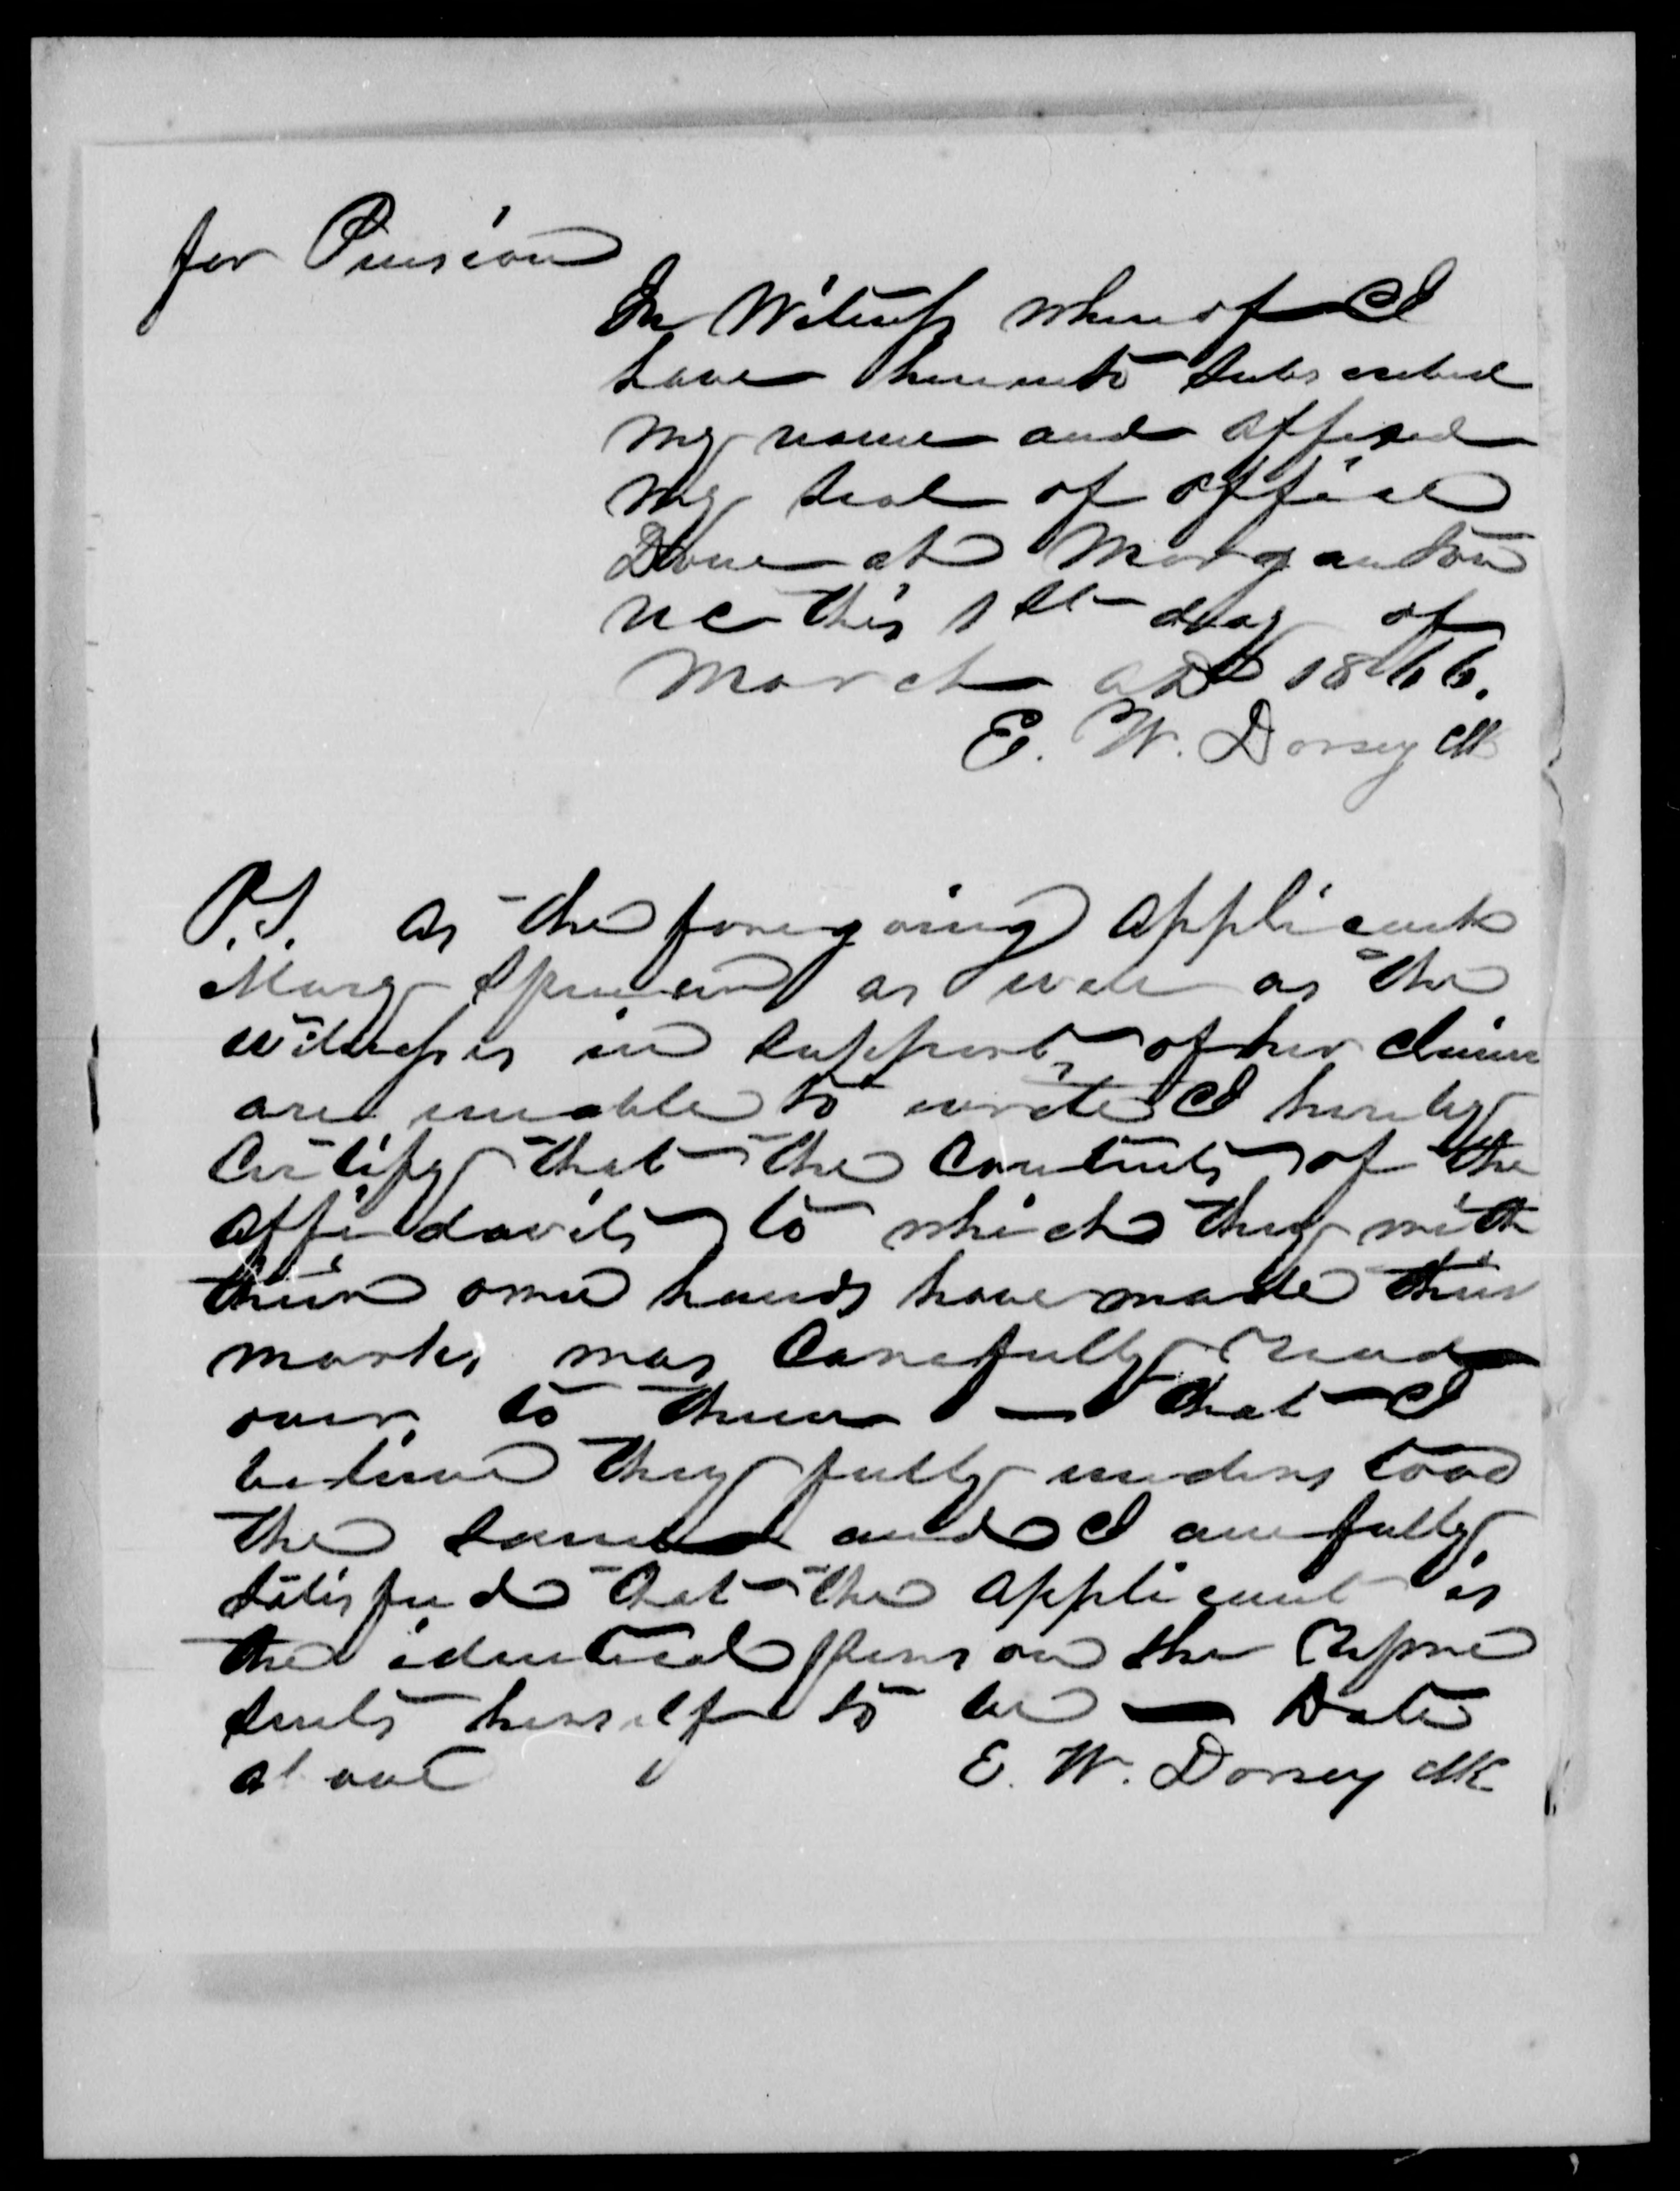for Pension
In Witness whereof I
have hereunto subscribed
my name and affixed
my seal of office
Done at Morganton N C
this 1st day
of March AD 1866
E. W. Dorsey clk.
P.S.
as the foregoing applicant
Mary Speer as well as the
witnesses in support of her claim
and unable to write I hereby
certify that the contents of the
affidavits to which they with
their own hands have made their
mark, was carefully read
over to them that I 
believe they fully understood
the same and I am fully
satisfied that the applicant is
the identical person she represents herself to be -Date [illegible]

E. W. Dorsey Clk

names: E W Dorsey; Mary Spencer; E W Dorsey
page: 56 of 63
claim: widow's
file: W. 6158, for Benjamin Spencer, North Carolina